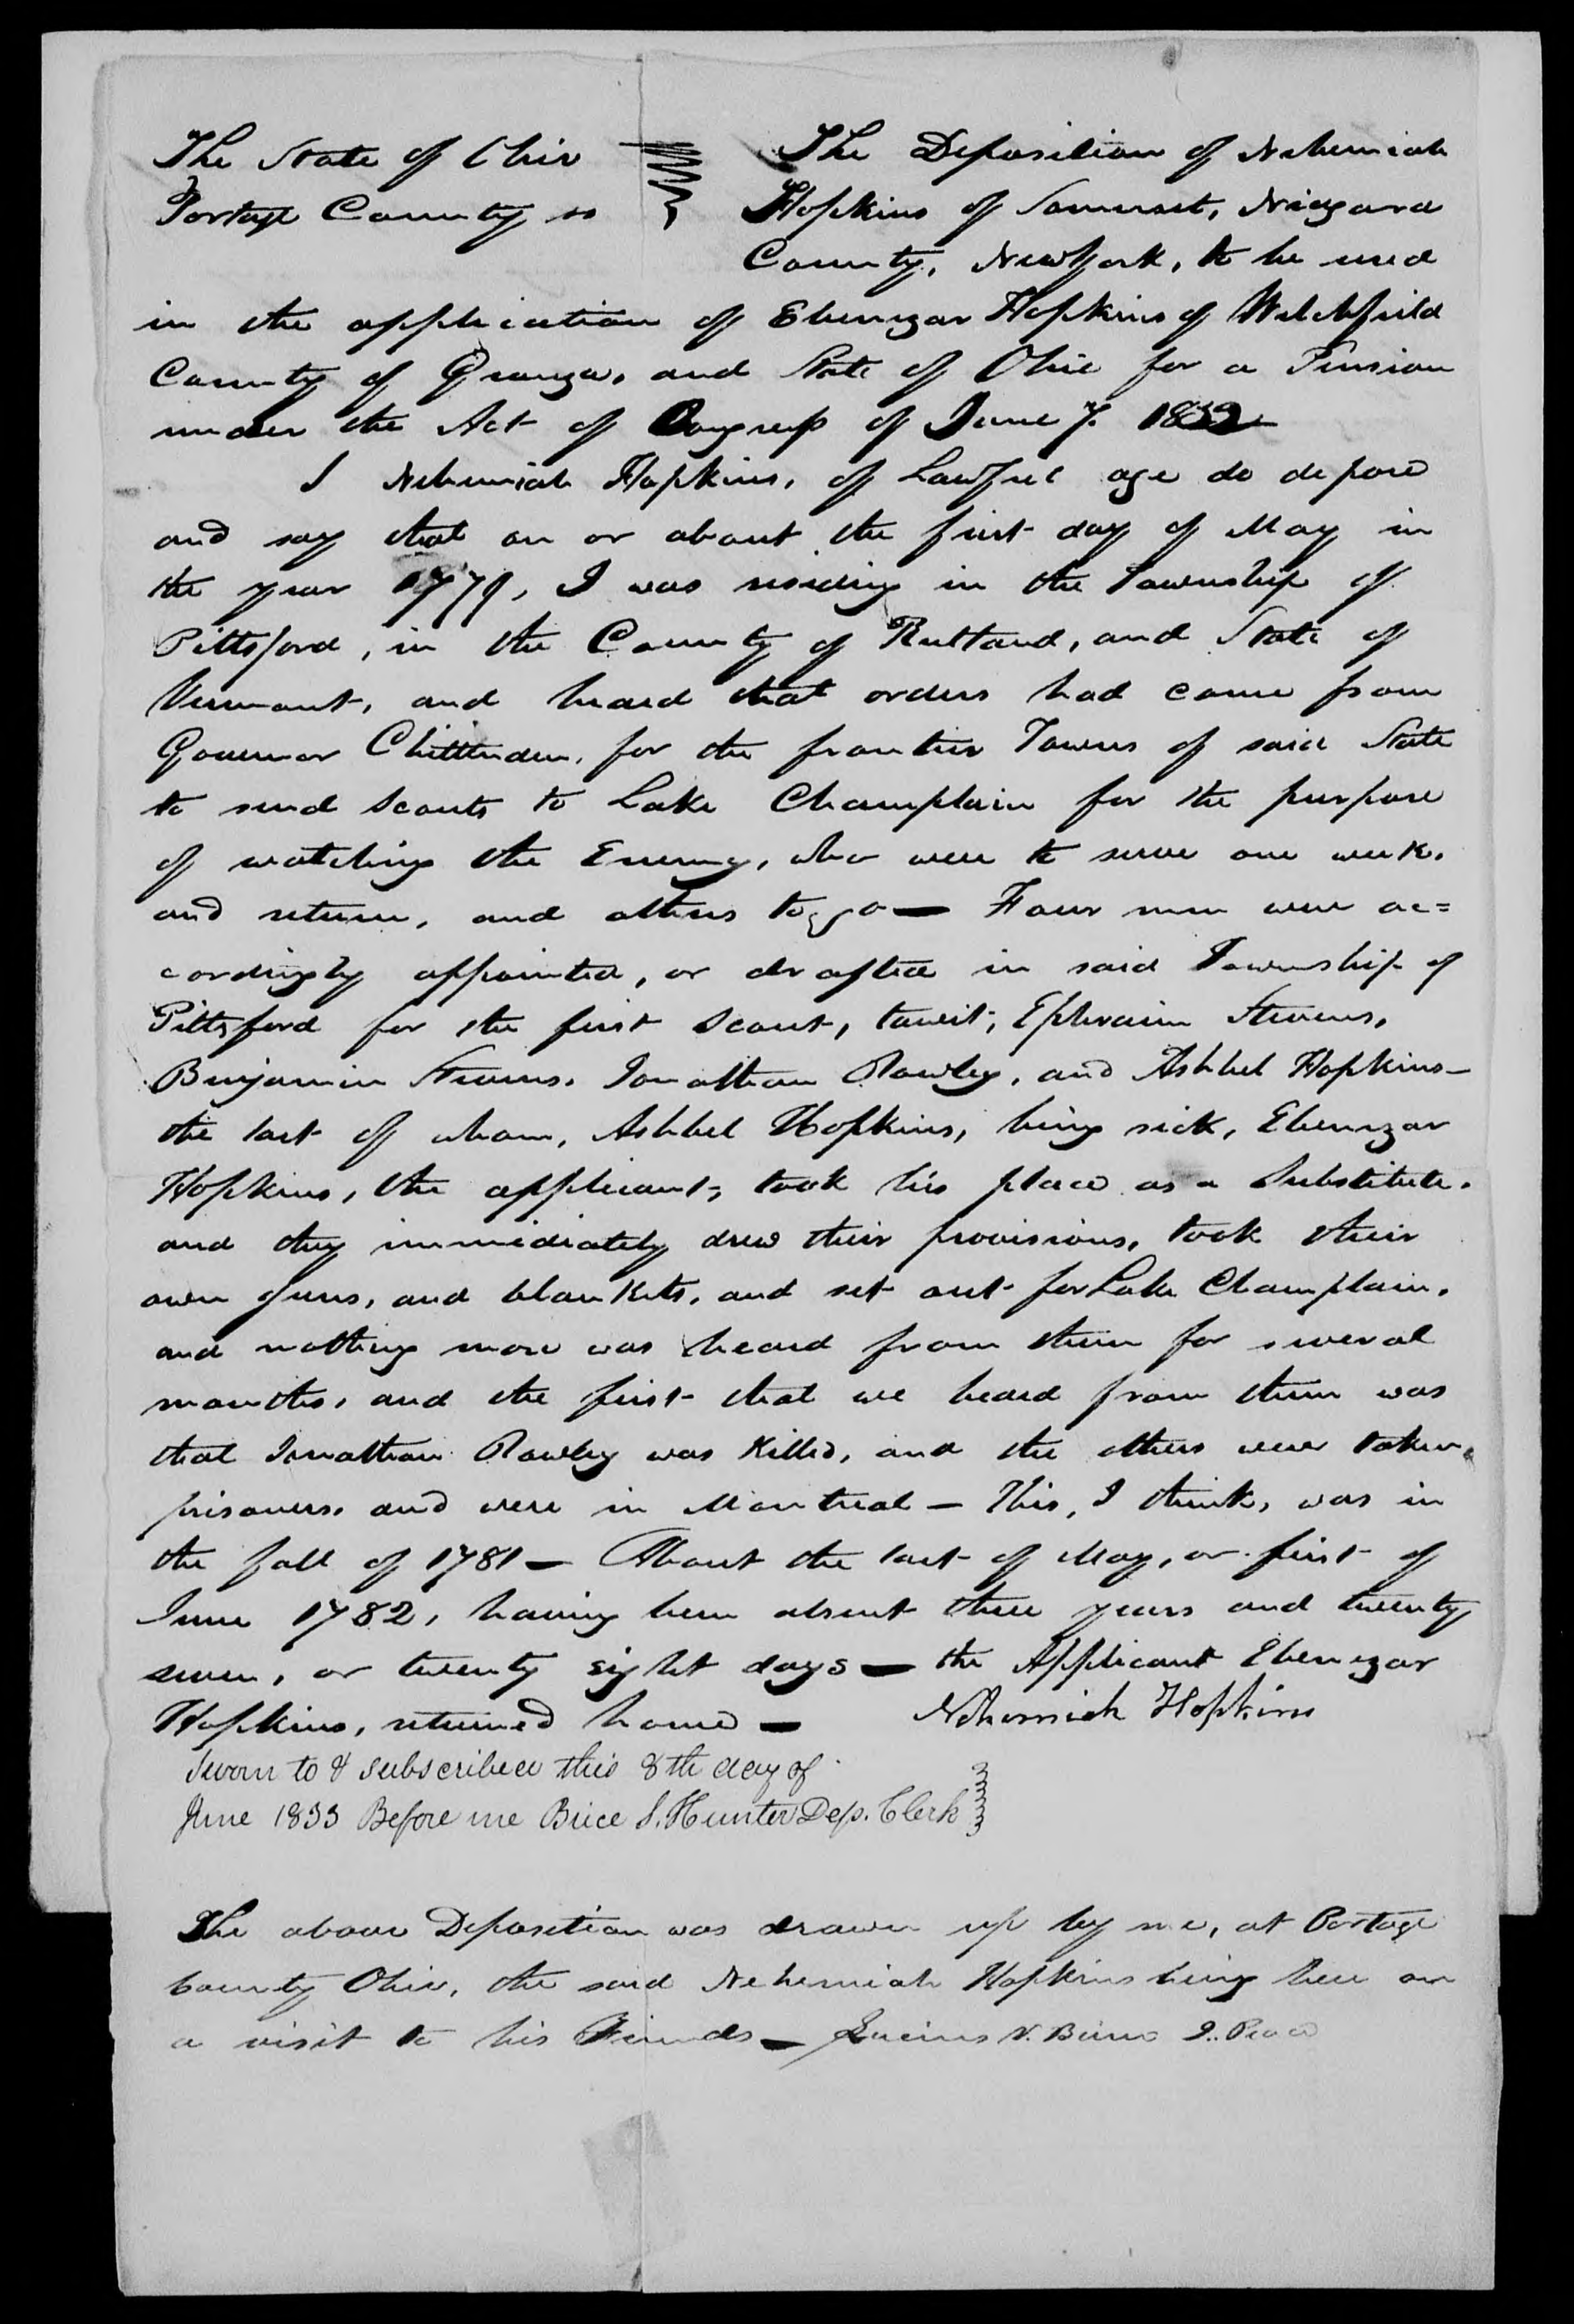The State of Ohio}
Portage County} ss  The Deposition of Nehemiah Hopkins of Somerset, Niagra County, New York, to be used in the application of Ebenzer Hopkins of Welchfield County of Gaunge, and State of Ohio for a Pension under the Act of Congress of June 7 1832

I Nehemiah Hopkins, of Lawful age do depose and say that on or about the first day of May in the year 1779, I was residing in the Township of Pittsford, in the County of Rutland, and State of Vermont, and heard that orders had come from Govenor Chittenden, for the frontier Towns of said State to send scouts to Lake Champlain for the purpose of watching the Enemy, who were to serve one week and return, and others to go __ four men were accordingly appointed, or drafted in said Township of Pittsford for the first scout, towit, Ephraim Stevens,
Benjamin Stevens, Jonathan Pawley and Ashbel Hopkins_ the last of whom, Ashbel Hopkins, being sick, Ebenezar Hopkins, the applicant took his place as a substitute. and they immediately drew their provisions, took their own guns, and blankets, and set out for Lake Champlain, and nothing more was heard from them for several months, and the first that we heard from them was
that Jonathan Rowley was killed, and the others were taken prisoners, and were in Montreal. This, I think, was in the fall of 1781 - About the last of May, or first of June 1782, having been absent three years and twenty seven or twenty eight days the Applicant Ebenezar Hopkins, returned home- Nehemiah Hopkins
Sworn to & subscribed this 8th day of
June 1833 Before me Brice S. Hunter Dep. Clerk

The above Deposition was drawn up by me at Portage County Ohio, the said Nehemiah Hopkins being here on a visit to his friends. Lucius N. Burns J. Peace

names: Benjamin Stevens, Jonathan Rowley, Taurit, Scout, Nehemiah Hopkins, Ephraim Stevens, Ebenezer Hopkins, Ashbel Hopkins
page: 128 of 144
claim: rejected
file: R. 5208, Dennis Hopkins, N.C.